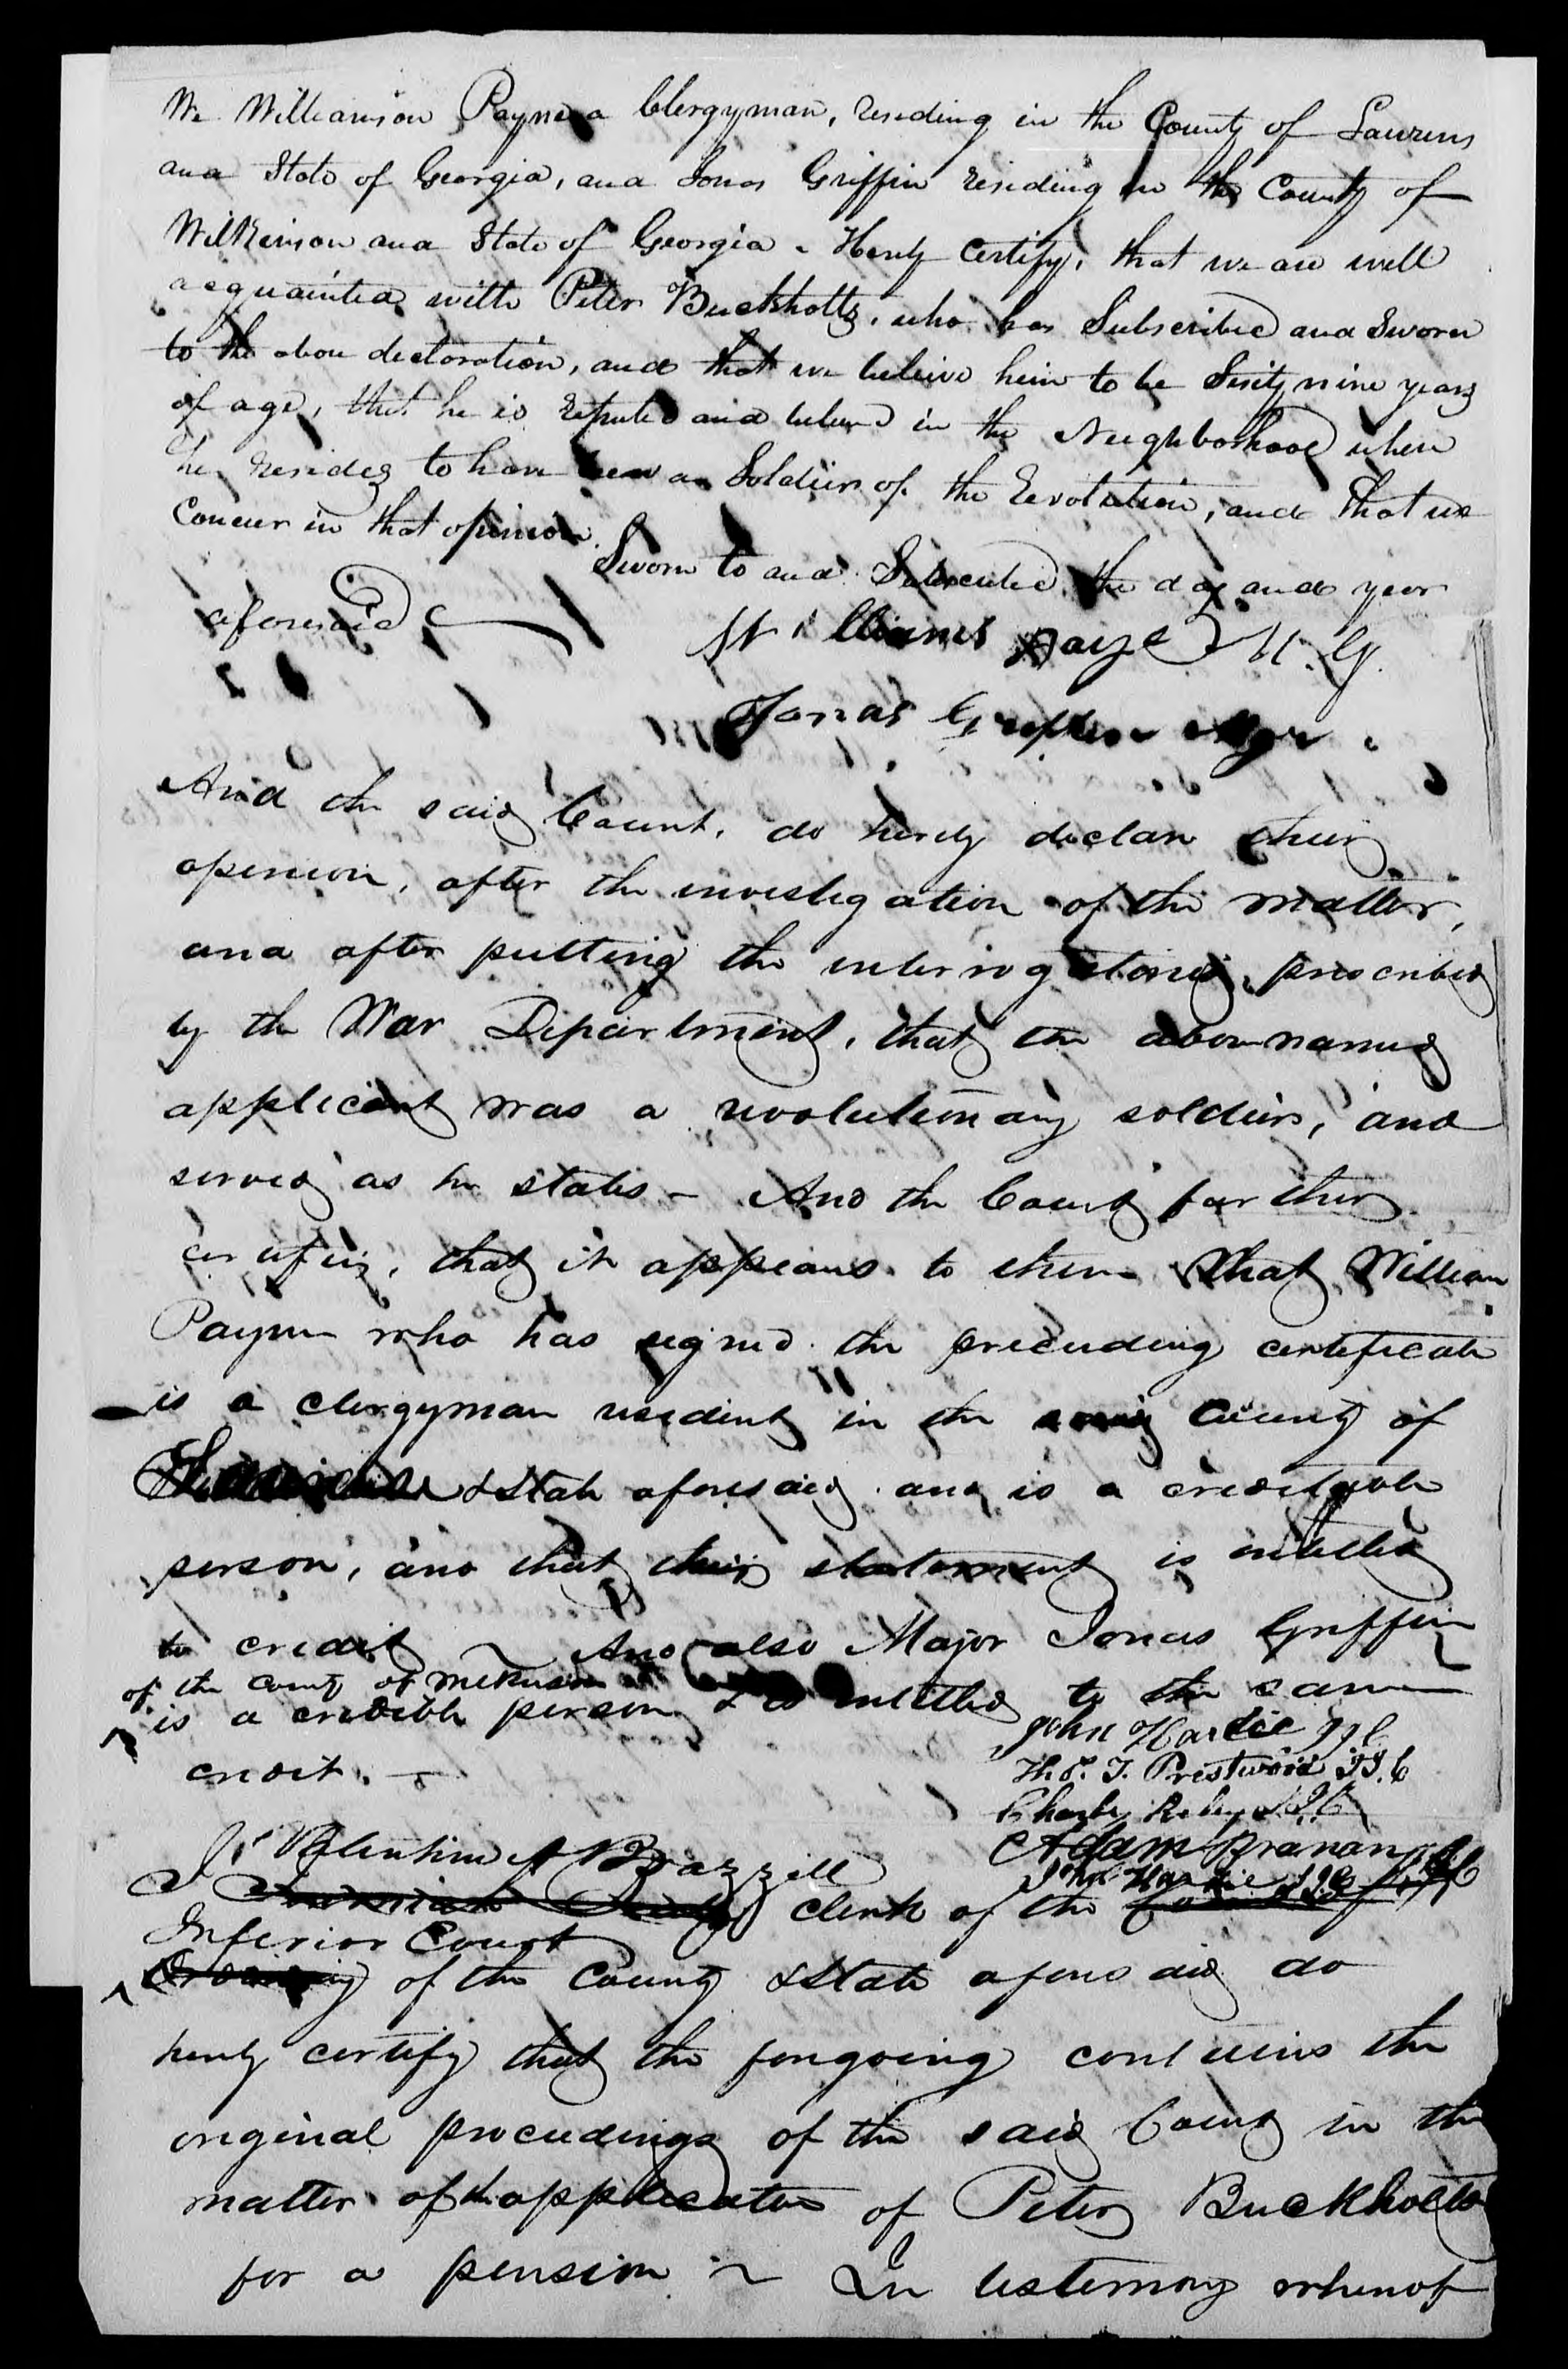We Williamson Paynes a Clergyman, residing in the County of Laurens and State of Georgia, and Jonas Griffin residing in the County of Wilkinson and State of Georgia, Hereby Certify, that we are well acquainted with Peter Buckholts who has subscribed and Sworn to the above declaration, and that we believe him to be sixty nine years of age, that he is reputed and believed in the Neighborhood where he resides to have been a soldier of the revolution, and that us concur in that opinion.
Sworn to and Subscribed the day and year aforesaid.
Williams Payne J.M.G.
Jonas Griffin Mgr

And the said Court, do hereby declare their opinion, after the investigation of the matter and after putting the interrogation prescribed by the War Department, that the above named applicant was a revolutionary soldier, and served as he states. And the Court further certifies that it appears to them that William Payne who has signed the preceding certificate is a clergyman resident in the County of Laurens & State aforesaid and is a credible person, and that their statement is entitled to credit. And also Major Jonas Griffin of the county of Wilkinson is a credible person & is entitled to the same credit.
John Hardie J.J.C.
Thos. T. Prestwood J.J.C.
Charly Riley J.J.C.
Adam Branan J.J.C.
John Hardie J.J.C.

I Valentine A Brazzill clerk of the Inferior Court for the county & state aforesaid do hereby certify that the foregoing contains the original proceedings of the said Court in the matter of the application of Peter Buckholts for a pension - In testimony whereof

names: Jonas Griffin, William Payne, Williams Payne, Charly Riley, Valentine A Brazzill, John Hardie, Peter Buckholts, Adam Branan, John Hardee, Peter Buckholts, Jonas Griffin, Williamson Payne, Thos Prestwood, Jonas Griffin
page: 17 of 23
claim: rejected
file: R. 1465, Peter Buckholts, S.C.